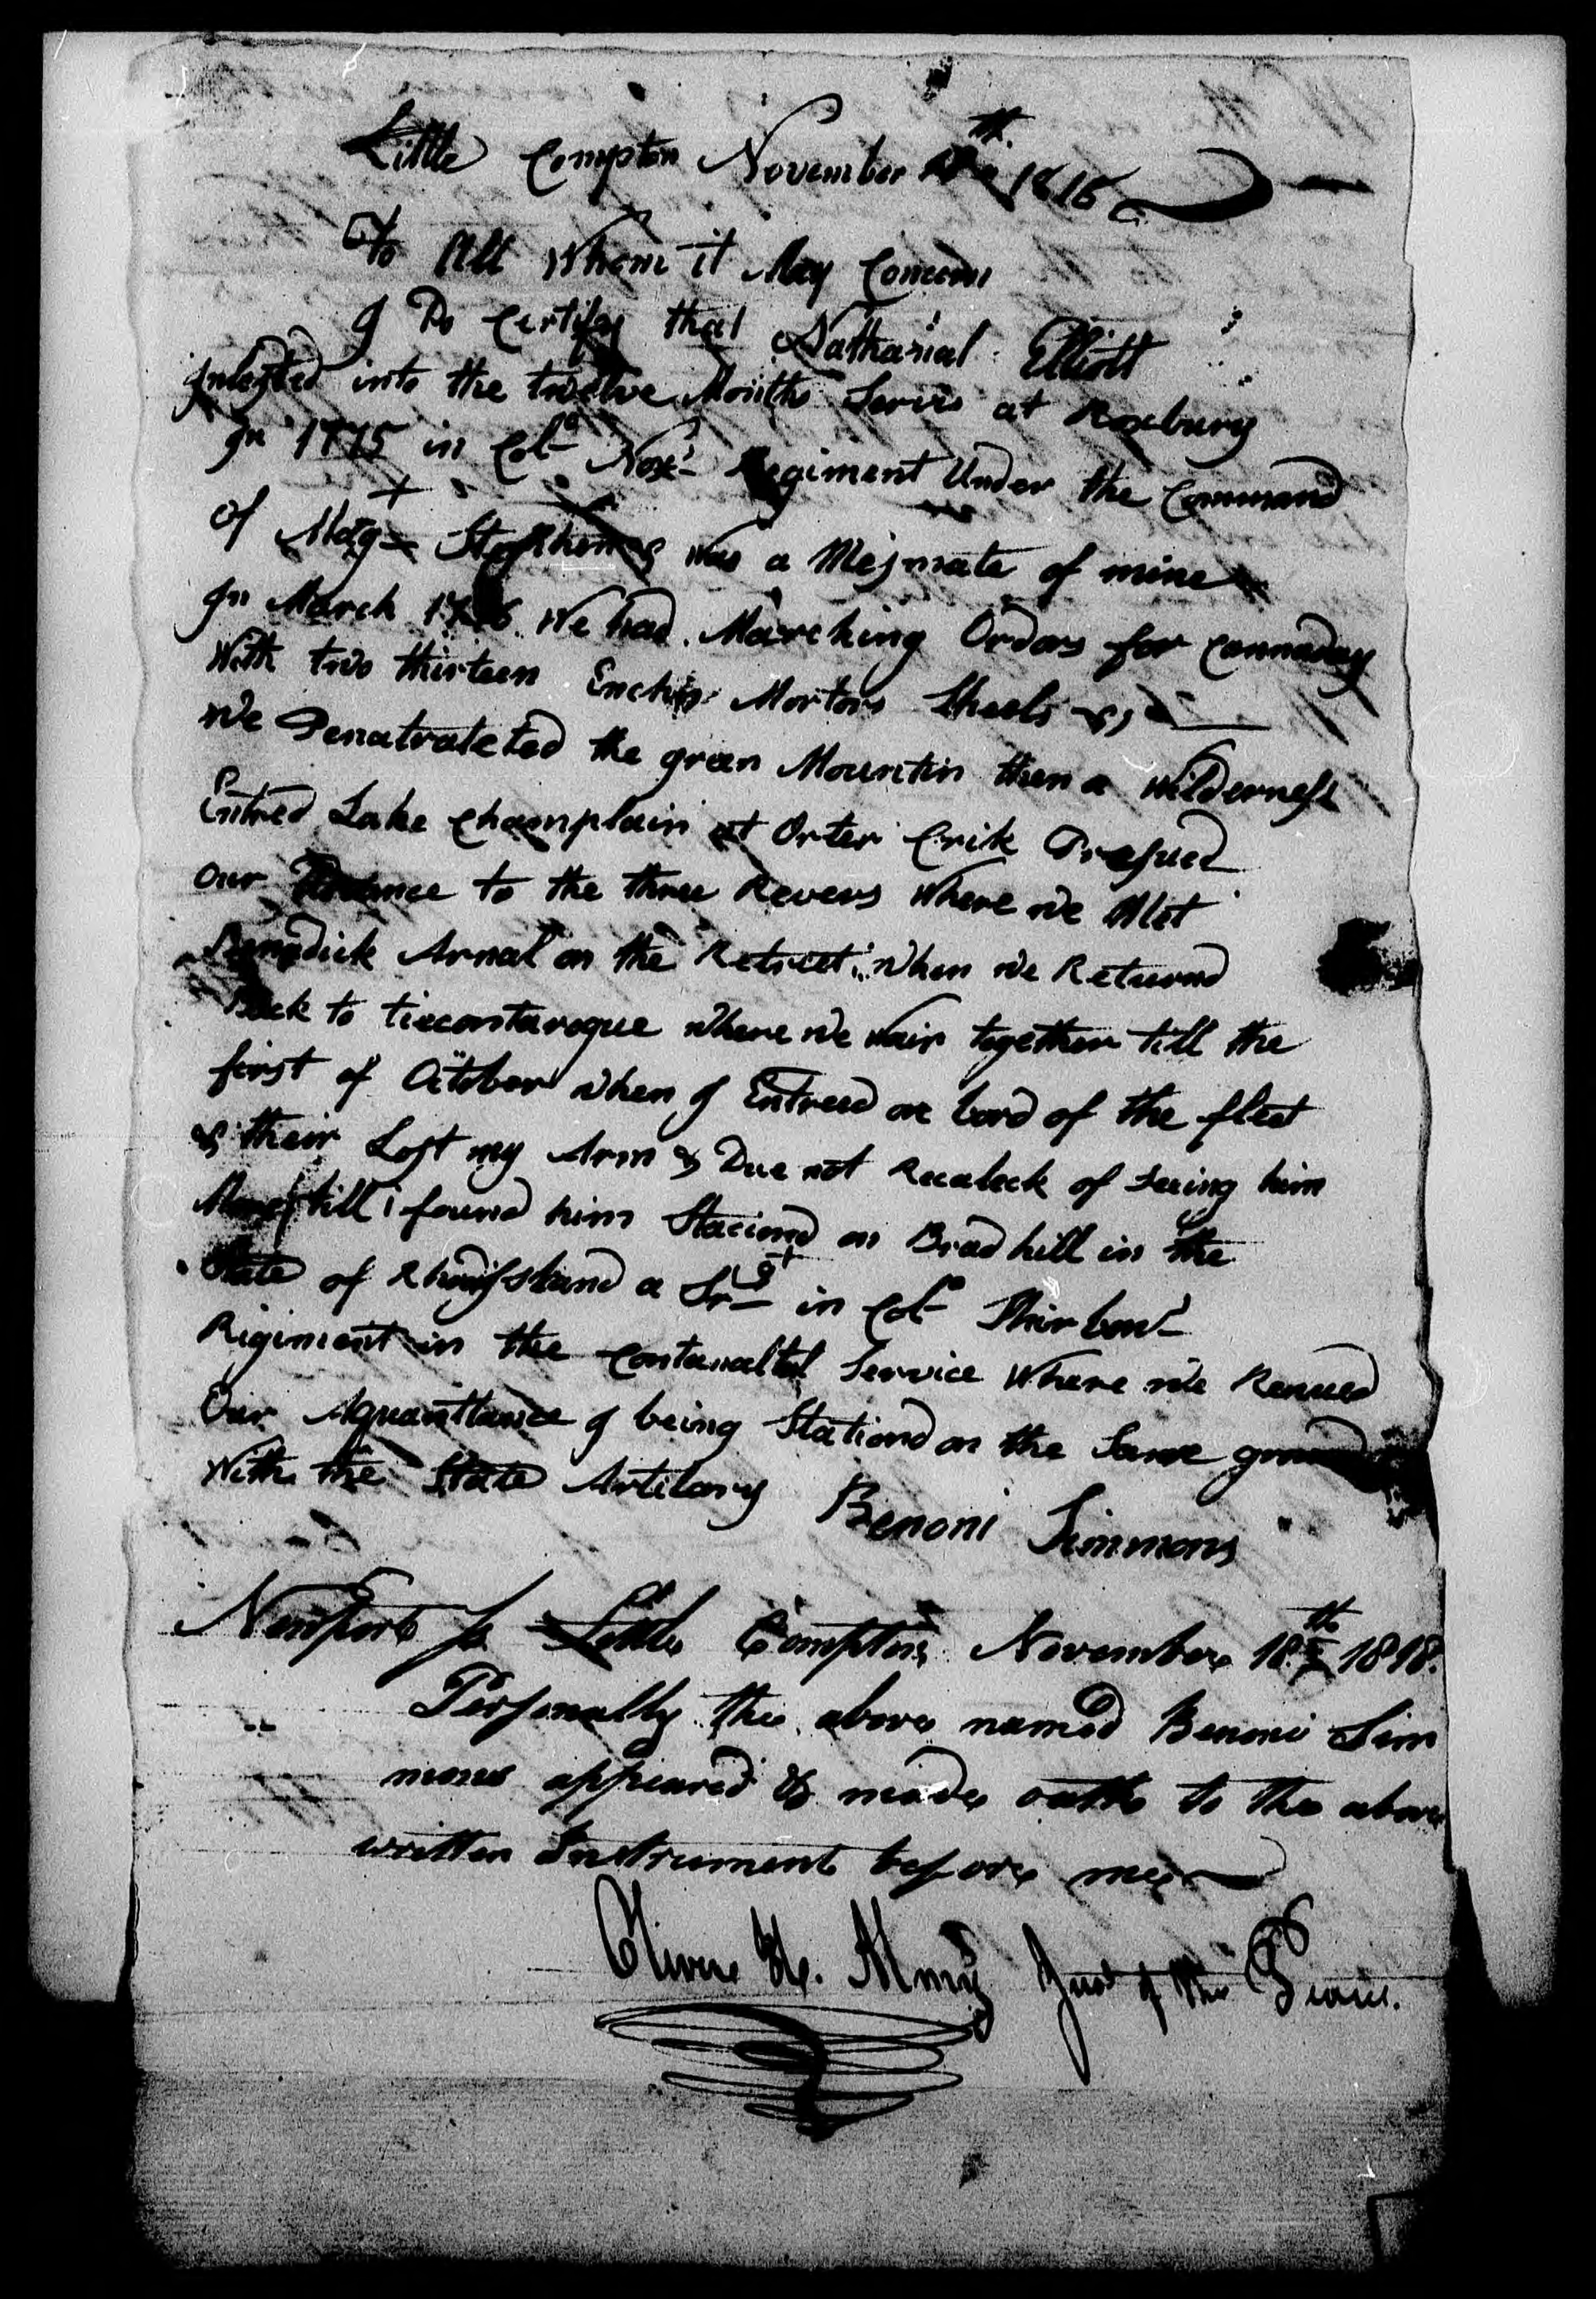Little Compton November 14th 1818 To all whom it may concern 
I do certify that Nathanial Elliott enlisted into the twelve months service at Roxbury in 1775 in Col. Nox Regiment under the command of Mag Stephens was a messmate of mine. In March in 1776 we had marching orders for [illegible] with tow thirteen ench mortars thats [illegible] We penatrated the green mounin then a wilderness entered lake camplain at orter Crick [illegible] our [illegible] to the three revers where we met benedick Arnal on the Retreat, when we returned back to Ticcontarogue where we wair together till the first of October when I Entered on bord of the fleet & their Lost my Arm & Due not Recoaleck of seeing him [illegible] till I found him Stacioned on Brad hill in the State of Rhode Island a Srgt in Colo. Thirbin' Regiment n the Conetenaltal Service Where we Renued Our Aquaintance I being Stationed on the same ground with the state Artilery. Benoni Simmons
Newport Ss. Little Compton November 18th 1818. Personally the above named Benoni Simmons appeared & made oath to the above written instrument before me Oiver H. Almy Just of the Peace.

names: Benoni Simmons, Nathanial Elliott, Oliver H Almy, Stephens, Benoni Simmons, Encho Morton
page: 13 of 29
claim: survivor's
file: S. 38679, Nathaniel Elliot, Continental R.I.